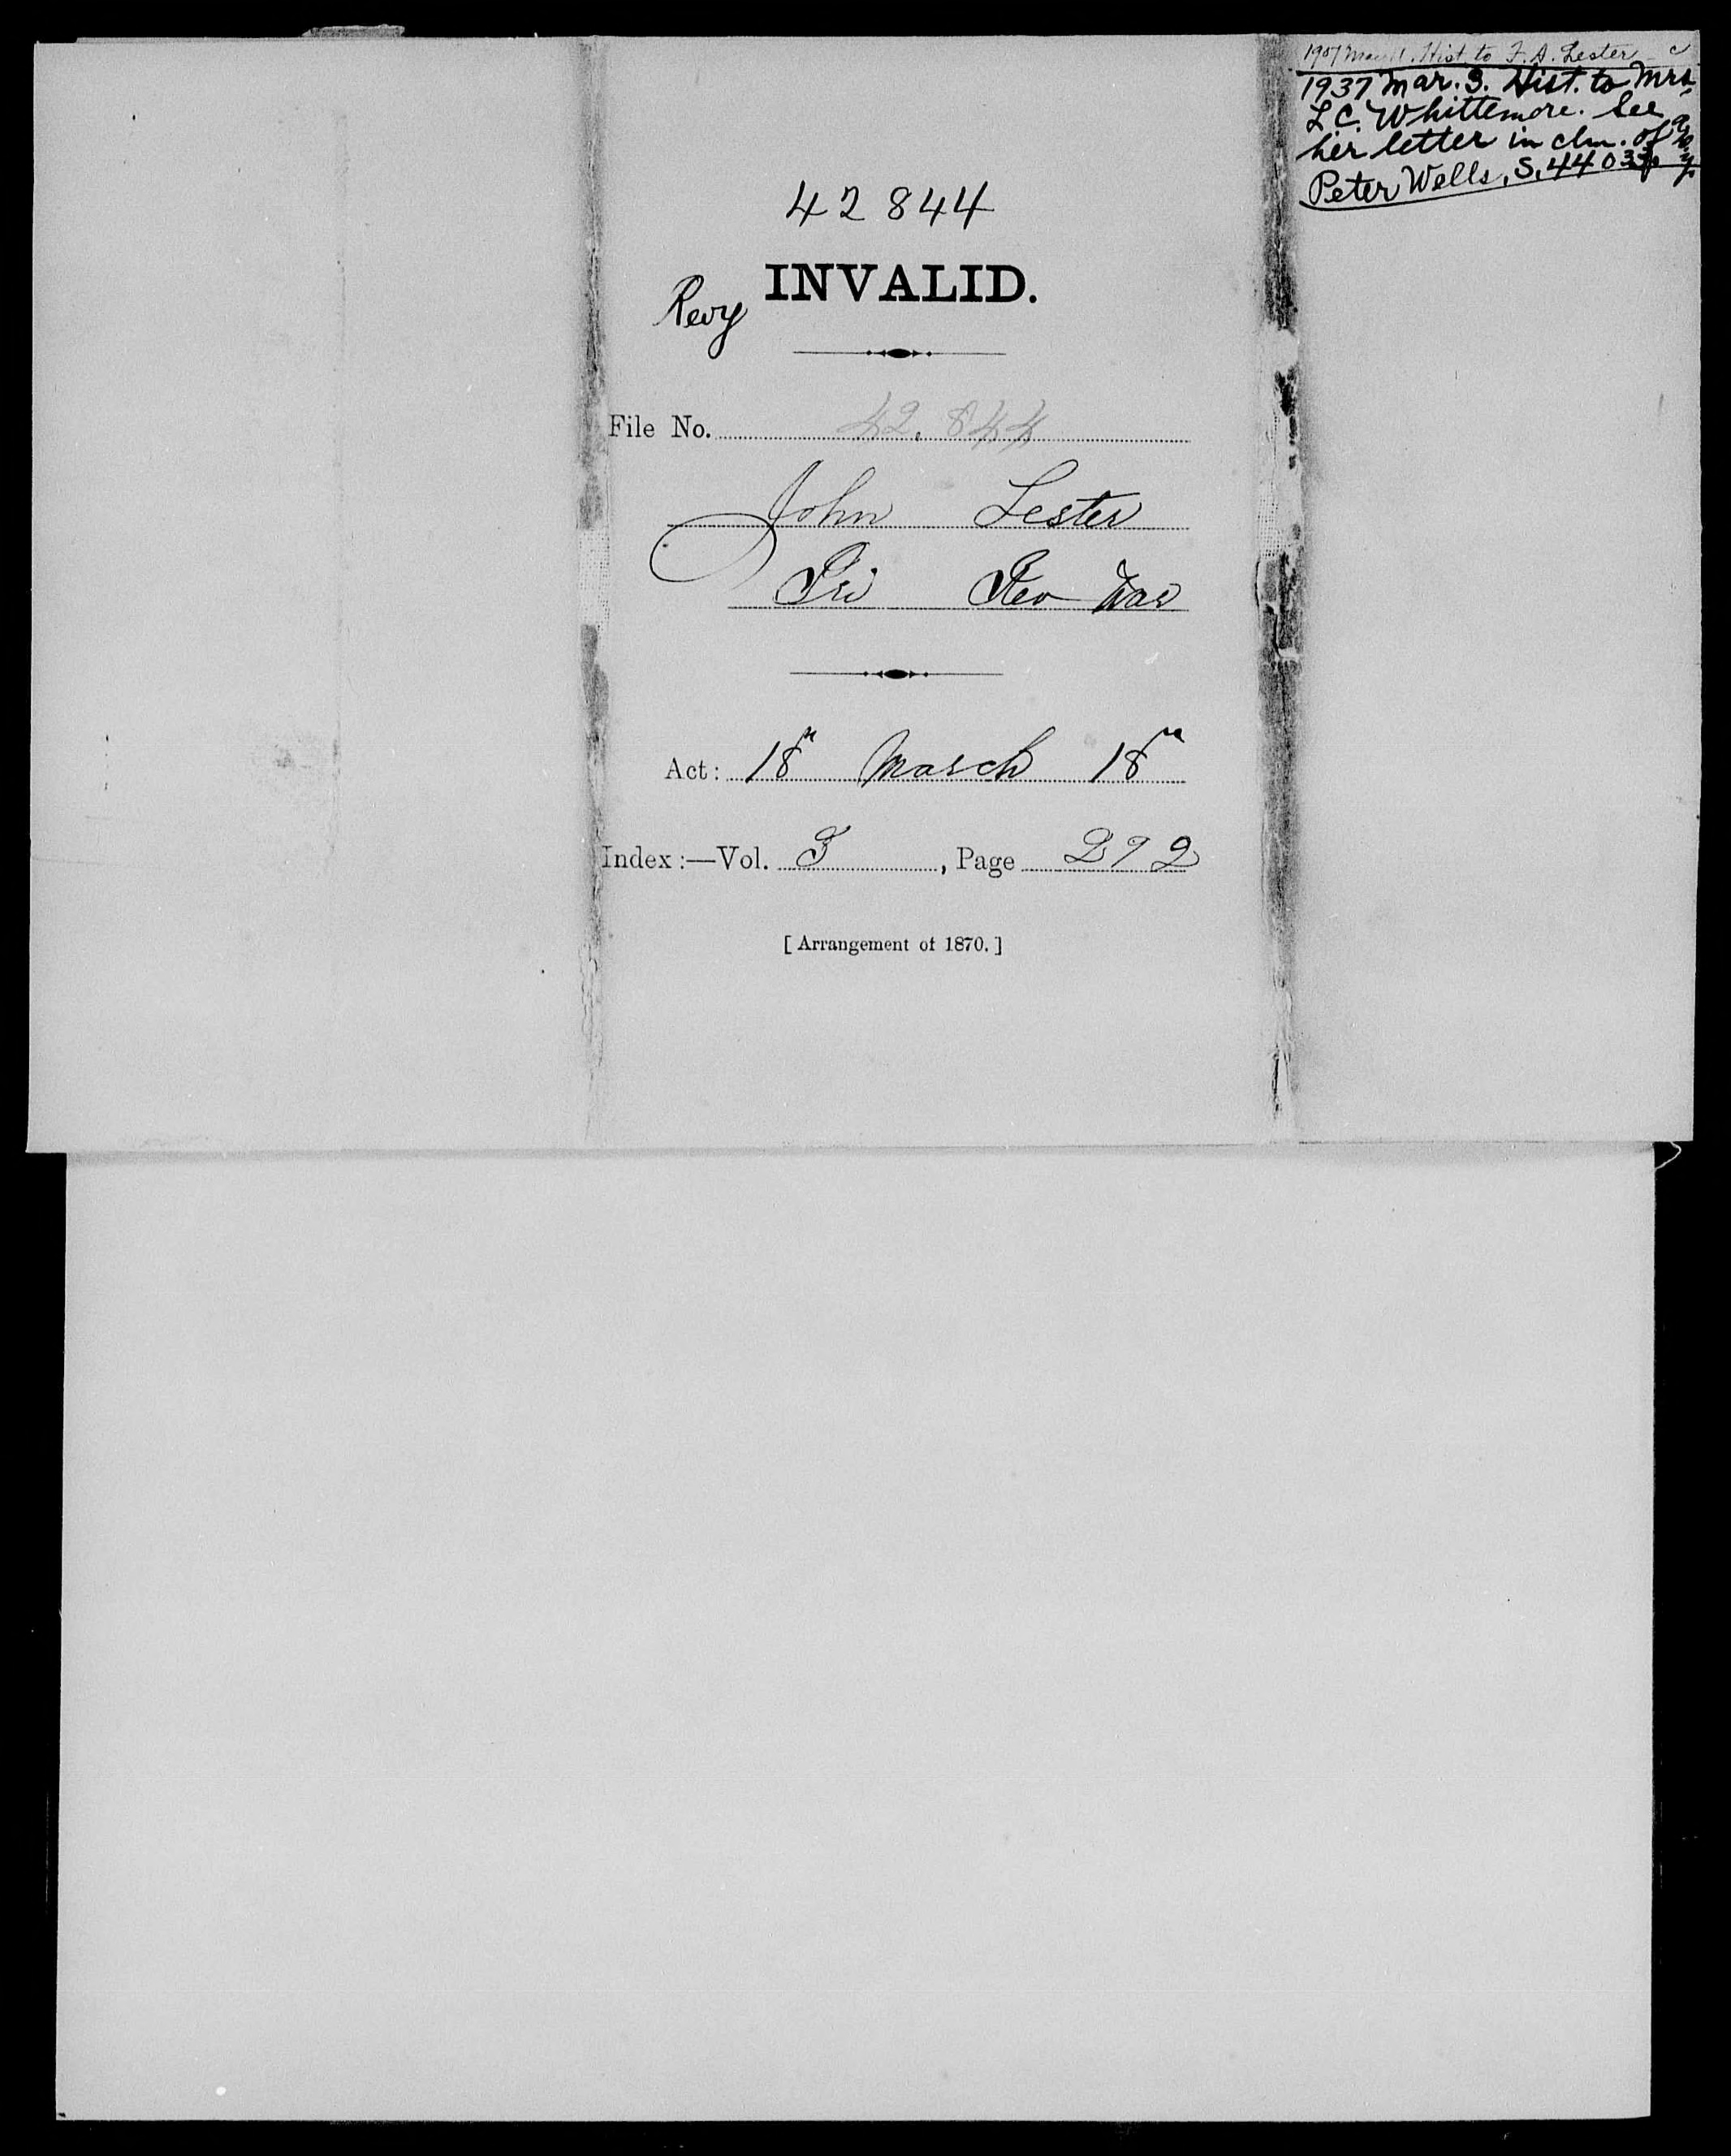42844 INVALID.
Revy
File  No. 42,844 
[illegible] Rev War
Act: 18th March 18 
Index: -- Vol. 3, Page 292 
[Arrangement of 1870.] 

[handwriting] 1907 March 4 Hist to F. A. Lester 
1937 Mar. 3. Hist to Mrs L. C. Whittemore, See her letter in clan. of [illegible]
Peter Wells, S. 44033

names: F A Lester; L C Whittemore; Peter Wells; John Lester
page: 13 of 14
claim: survivor's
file: S. 42844, for John Lester, New York